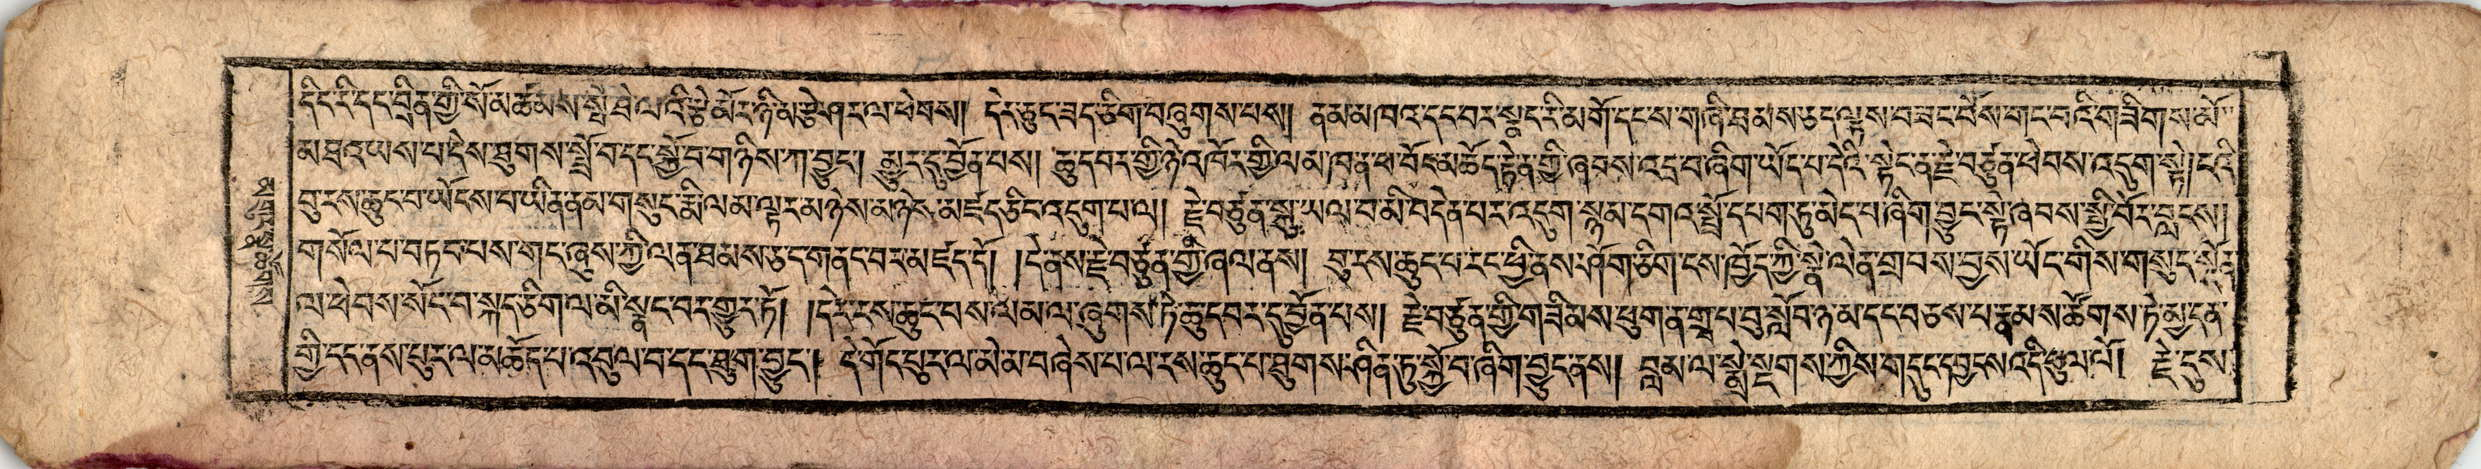དིང་རི་དང་བྲིན་གྱི་སོ་མཚམས་སྤོ་ཐེ་ལའི་རྩེ་མོར་ཉི་མ་རྩེ་ཤར་ལ་ཕེབས། དེར་ཅུང་ཟད་ཅིག་བཞུགས་པས། ནམ་མཁའ་དང་བར་སྣང་རི་མགོ་དང་ས་གཞི་ཐམས་ཅད་ལྟས་བཟང་བས་གང་བའི་གཟིགས་མོ་
མཐའ་ཡས་པ་དེས་ཐུགས་སྤྲོ་བ་དང་སྐྱོ་བ་གཉིས་ཀ་བྱུང་། མྱུར་དུ་བྱོན་པས། ཆུ་དབར་གྱི་ཉེ་འཁོར་གྱི་ལམ་ཁ་ན་ཕ་བོང་མཆོད་རྟེན་གྱི་ཞབས་འདྲ་བ་ཞིག་ཡོད་པ་དེའི་སྟེང་ན་རྗེ་བཙུན་ཕེབས་འདུག་སྟེ། ངའི་
བུ་རས་ཆུང་བ་ཡོངས་པ་ཡིན་ནམ་གསུང་རྨི་ལམ་ལྟར་མཉེས་མཉེས་མཛད་ཅིང་འདུག་པ་ལ། རྗེ་བཙུན་སྐུ་ཡལ་བ་མི་བདེན་པར་འདུག་སྙམ་དགའ་སྤྲོ་དཔག་ཏུ་མེད་པ་ཞིག་བྱུང་སྟེ་ཞབས་སྤྱི་བོར་བླངས། 
གསོལ་པ་བཏབ་པས་གང་ཞུས་ཀྱི་ལན་ཐམས་ཅད་གནང་བར་མཛད་དོ། །དེ་ནས་རྗེ་བཙུན་གྱི་ཞལ་ནས། བུ་རས་ཆུང་པ་རང་ཕྱི་ནས་ཤོག་ཅིག་ངས་ཁྱོད་ཀྱི་སྣེ་ལེན་གྲབས་བྱས་ཡོང་གིས་གསུང་སྔོན་
ལ་ཕེབས་སོང་བ་སྐད་ཅིག་ལ་མི་སྣང་བར་གྱུར་ཏོ། །དེར་རས་ཆུང་པས་ལམ་ལ་ཞུགས་ཏེ་ཆུ་དབར་དུ་བྱོན་པས། རྗེ་བཙུན་གྱི་གཟིམས་ཕུག་ན་གྲྭ་པ་བུ་སློབ་ཉ་མ་དང་བཅས་པ་རྣམས་ཚོགས་ཏེ་མྱ་ངན་
གྱི་ངང་ནས་པུར་ལ་མཆོད་པ་འབུལ་བ་དང་ཐུག་བྱུང་། དེ་གོང་པུར་ལ་མེ་མ་བཞེས་པ་ལ་རས་ཆུང་པ་ཐུགས་ཤིན་ཏུ་སྐྱོ་བ་ཞིག་བྱུང་ནས། བླ་མ་ལ་སྨྲེ་སྔགས་ཀྱིས་གདུང་དབྱངས་འདི་ཕུལ་ལོ། །རྗེ་དུས་